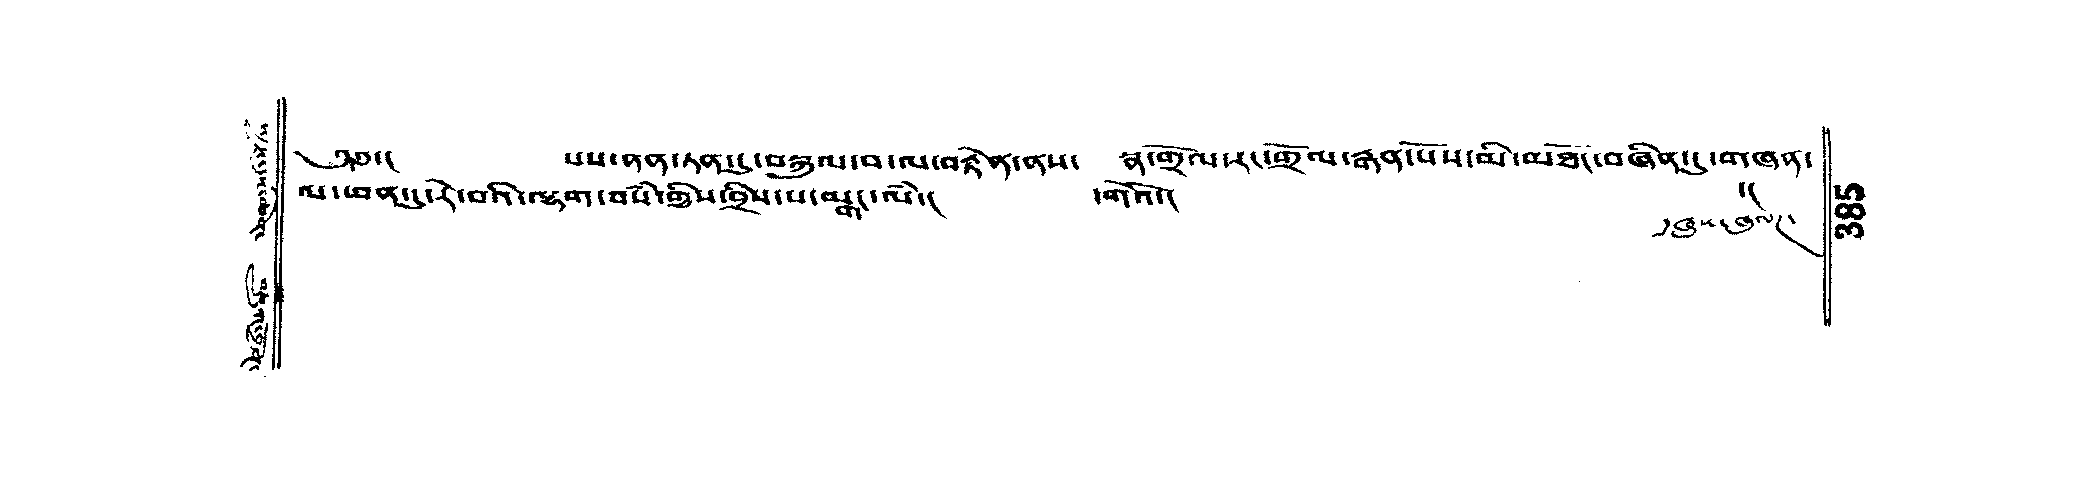པས་ནན་ཏན་དུ་བསྐུལ་བ་ལ་བརྟེན་ནས། སྣ་ཚོགས་རང་གྲོལ་རྒན་པོས་མི་མཐོང་བཞིན་དུ་གཞན་
ལ་ཕན་དུ་རེ་བའི་ལྷག་བསམ་གྱིས་བྲིས་པ་མངྒ་ལམ།། དགེའོ།།